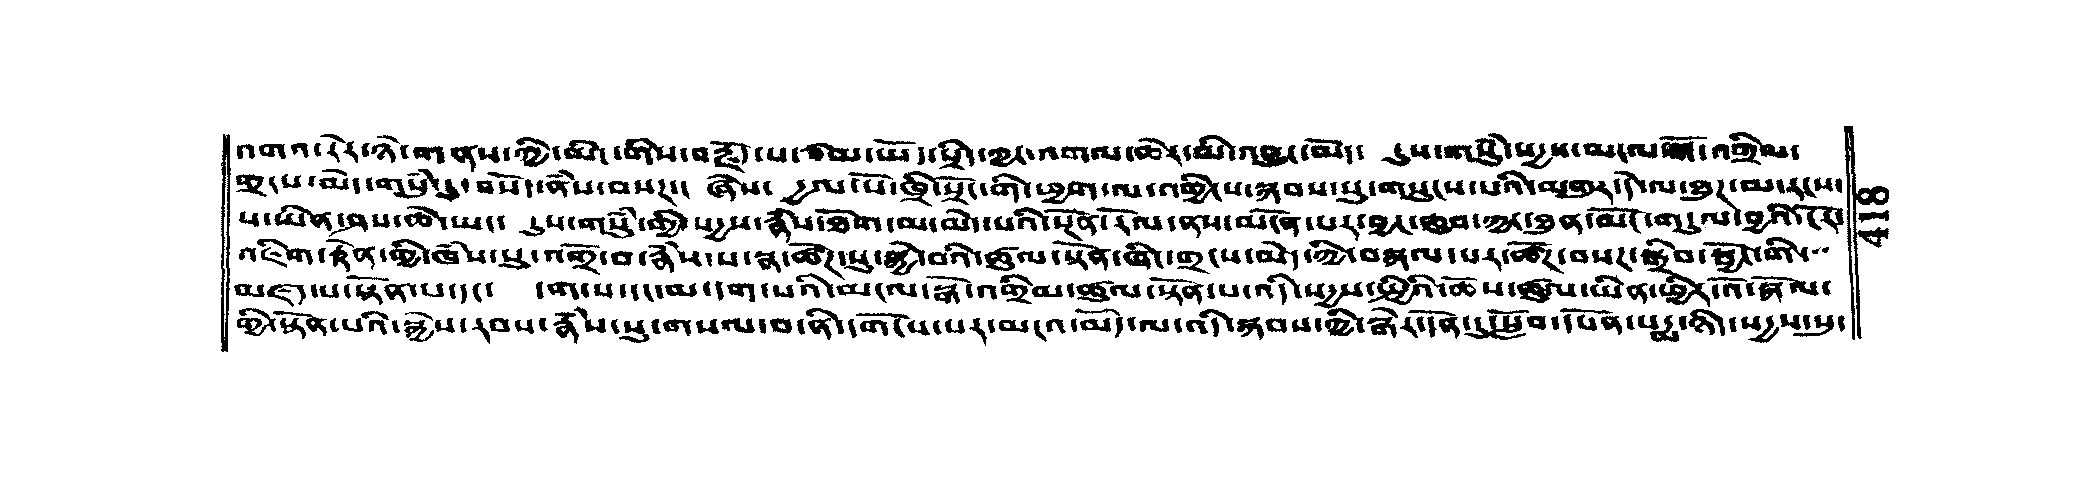འགའ་རེར་ཉེ་གནས་ཀྱི་མིང་གིས་བརྗོད་པ་ཙམ་ཡོད་སྲིད་ཀྱང་འགལ་ཆེར་མི་འབྱུང་མོད། དུས་གསུམ་སངས་རྒྱས་མངལ་སྒོ་འགྲིམ། 
གྲངས་མེད་གསུམ་དུ་བསོད་ནམས་བསགས། ཞེས། རྒྱལ་པོ་ཁྲི་སྲོང་གི་ཕྱག་ལ་འགྱིངས་སྐབས་སུ་གསུངས་པའི་མགུར་དེ་ལ་ཐུགས་མ་རངས་
པ་ཡིན་ཤས་ཆེ་ཡང་། དུས་གསུམ་གྱི་སངས་རྒྱས་རྣམས་ཐོག་མ་མེད་པའི་སྔོན་རོལ་ནས་མངོན་པར་བྱང་ཆུབ་ཀྱང་ཐུན་མོང་གདུལ་བྱའི་ངོར་
འཇིག་རྟེན་གྱི་ཁམས་སུ་འགྲོ་བ་རྣམས་པ་སྣ་ཚོགས་སུ་སྐྱེ་བའི་ཚུལ་སྟོན་ཞིང་གྲངས་མེད་ཀྱི་བསྐལ་པར་ཚོགས་བསགས་སྒྲིབ་སྦྱོང་གི་
མཛད་པ་སྟོན་པ་དང་།དག་པ་དང་མ་དག་པའི་མངལ་སྒོ་འགྲིམ་ཚུལ་སྟོན་པ་འདི་སངས་རྒྱས་སྤྱིའི་ཆོས་ཚུལ་ཡིན་ཕྱིར་འོ་སྐོལ་
གྱི་སྟོན་པའི་སྐྱེས་རབས་རྣམས་སུ་གསལ་བ་ནི་དགོངས་པར་མངའ་མོད་ལ་འདི་སྐབས་ཀྱི་སྒེར་དོན་དུ་སློབ་དཔོན་པདྨ་ཉིད་སངས་རྒྱས་སུ་